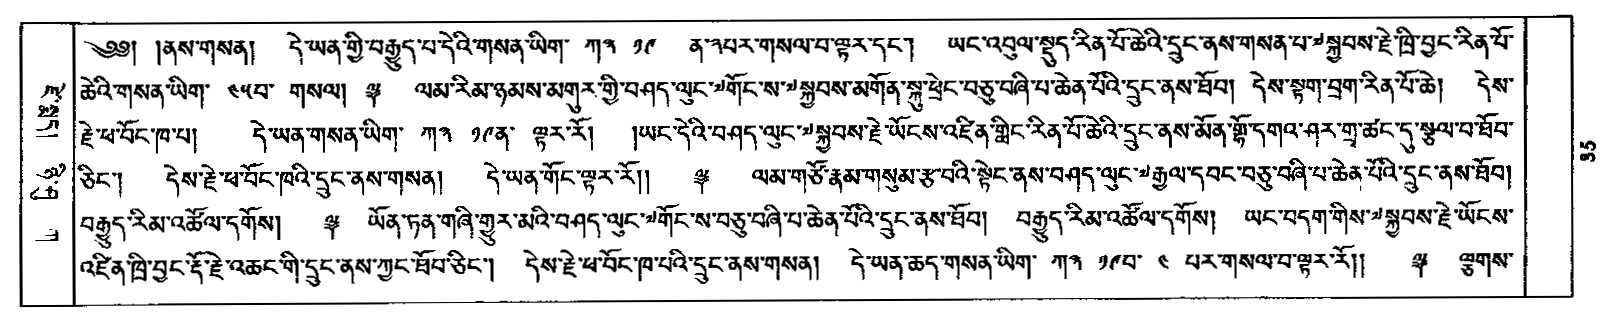༄༅། །ནས་གསན། དེ་ཡན་གྱི་བརྒྱུད་པ་དེའི་གསན་ཡིག་ཀ ༣ ༡༩་ན ༢་པར་གསལ་བ་ལྟར་དང་། ཡང་འབུལ་སྡུད་རིན་པོ་ཆེའི་དྲུང་ནས་གསན་པ་༧་སྐྱབས་རྗེ་ཁྲི་བྱང་རིན་པོ་
ཆེའི་གསན་ཡིག ༤༥་བ་གསལ། ༈ ལམ་རིམ་ཉམས་མགུར་གྱི་བཤད་ལུང་༧་གོང་ས་༧་སྐྱབས་མགོན་སྐུ་ཕྲེང་བཅུ་བཞི་པ་ཆེན་པོའི་དྲུང་ནས་ཐོབ། དེས་སྟག་བྲག་རིན་པོ་ཆེ། དེས་
རྗེ་ཕ་བོང་ཁ་པ། དེ་ཡན་གསན་ཡིག་ཀ ༣ ༡༩་ན་ལྟར་རོ། །ཡང་དེའི་བཤད་ལུང་༧་སྐྱབས་རྗེ་ཡོངས་འཛིན་གླིང་རིན་པོ་ཆེའི་དྲུང་ནས་མོན་གྷོ་དགའ་ཤར་གྲྭ་ཚང་དུ་སྩལ་བ་ཐོབ་
ཅིང་། དེས་རྗེ་ཕ་བོང་ཁའི་དྲུང་ནས་གསན། དེ་ཡན་གོང་ལྟར་རོ།། ༈ ལམ་གཙོ་རྣམ་གསུམ་རྩ་བའི་སྟེང་ནས་བཤད་ལུང་༧་རྒྱལ་དབང་བཅུ་བཞི་པ་ཆེན་པོའི་དྲུང་ནས་ཐོབ།
བརྒྱུད་རིམ་འཚོལ་དགོས། ༈ ཡོན་ཏན་གཞི་གྱུར་མའི་བཤད་ལུང་༧་གོང་ས་བཅུ་བཞི་པ་ཆེན་པོའི་དྲུང་ནས་ཐོབ། བརྒྱུད་རིམ་འཚོལ་དགོས། ཡང་བདག་གིས་༧་སྐྱབས་རྗེ་ཡོངས་
འཛིན་ཁྲི་བྱང་རྡོ་རྗེ་འཆང་གི་དྲུང་ནས་ཀྱང་ཐོབ་ཅིང་། དེས་རྗེ་ཕ་བོང་ཁ་པའི་དྲུང་ནས་གསན། དེ་ཡང་ཆད་གསན་ཡིག་ཀ ༣ ༡༩་བ ༤་པར་གསལ་བ་ལྟར་རོ།། ༈ ལྕགས་